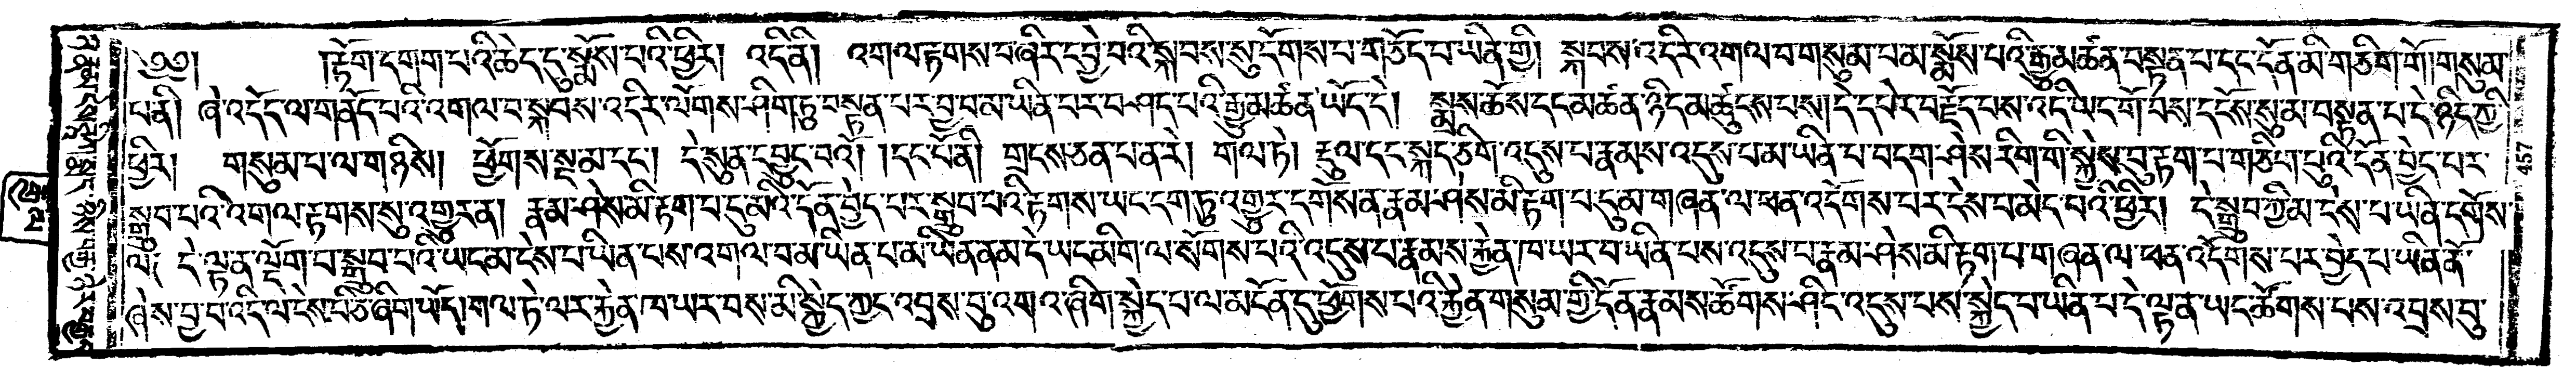༄༅། །རྟོག་དགག་པའི་ཆེད་དུ་སྨོས་པའི་ཕྱིར། འདི་ནི། འགལ་རྟགས་བཞིར་དབྱེ་བའི་སྐབས་སུ་དོགས་པ་གཅོད་པ་ཡིན་གྱི། སྐབས་འདིར་འགལ་བ་གསུམ་པ་མ་སྨོས་པའི་རྒྱུ་མཚན་བསྟན་པ་དང་དོན་མི་གཅིག་གོ། གསུམ་
པ་ནི། ཞེ་འདོད་ལ་གནོད་པའི་འགལ་བ་སྐབས་འདིར་ལོགས་ཤིག་ཏུ་བསྟན་པར་བྱ་བ་མ་ཡིན་པར་བཤད་པའི་རྒྱུ་མཚན་ཡོད་དེ། སྨྲས་ཆོས་དང་མཚན་ཉིད་མཚུངས་པས། དེ་དཔེར་བརྗོད་པས་འདི་ཡང་གོ་བས་དངོས་སུ་མ་བསྟན་པ་དེ་ཉིད་ཀྱི་
ཕྱིར། གསུམ་པ་ལ་གཉིས། ཕྱོགས་སྔ་མ་དང་། དེ་སུན་དབྱུང་བའོ། །དང་པོ་ནི། གྲངས་ཅན་པ་ན་རེ། གལ་ཏེ། རྡུལ་དང་སྐད་ཅིག་འདུས་པ་རྣམས་འདུས་པ་མ་ཡིན་པ་བདག་ཤེས་རིག་གི་སྐྱེས་བུ་རྟག་པ་གཅིག་པུའི་དོན་བྱེད་པར་
སྒྲུབ་པའི་འགལ་རྟགས་སུ་འགྱུར་ན། རྣམ་ཤེས་མི་རྟག་པ་དུ་མའི་དོན་བྱེད་པར་སྒྲུབ་པའི་རྟགས་ཡང་དག་ཏུ་འགྱུར་དགོས་ན་རྣམ་ཤེས་མི་རྟག་པ་དུ་མ་གཞན་ལ་ཕན་འདོགས་པར་ངེས་པ་མེད་པའི་ཕྱིར། དེ་སྒྲུབ་ཀྱི་མ་ངེས་པ་ཡིན་དགོས་
ལ༑ དེ་ལྟ་ན་ལྡོག་པ་སྒྲུབ་པའི་ཡང་མ་ངེས་པ་ཡིན་པས་འགལ་བ་མ་ཡིན་ནམ་དེ་ཡང་མིག་ལ་སོགས་པའི་འདུས་པ་རྣམས་རྐྱེན་ཁ་ཡར་བ་ཡིན་པས་འདུས་པ་རྣམ་ཤེས་མི་རྟག་པ་གཞན་ལ་ཕན་འདོགས་པར་བྱེད་པ་ཡིན་ནོ་
ཞེས་བྱ་བ་འདི་ལ་ངེས་པ་ཅི་ཞིག་ཡོད། གལ་ཏེ་ལར་རྐྱེན་ཁ་ཡར་བས་མི་སྐྱེད་ཀྱང་འབྲས་བུ་འགའ་ཞིག་སྐྱེད་པ་ལ་མངོན་དུ་ཕྱོགས་པའི་རྐྱེན་གསུམ་གྱི་དོན་རྣམས་ཚོགས་ཤིང་འདུས་པས་སྐྱེད་པ་ཡིན་པ་དེ་ལྟ་ན་ཡང་ཚོགས་པས་འབྲས་བུ་